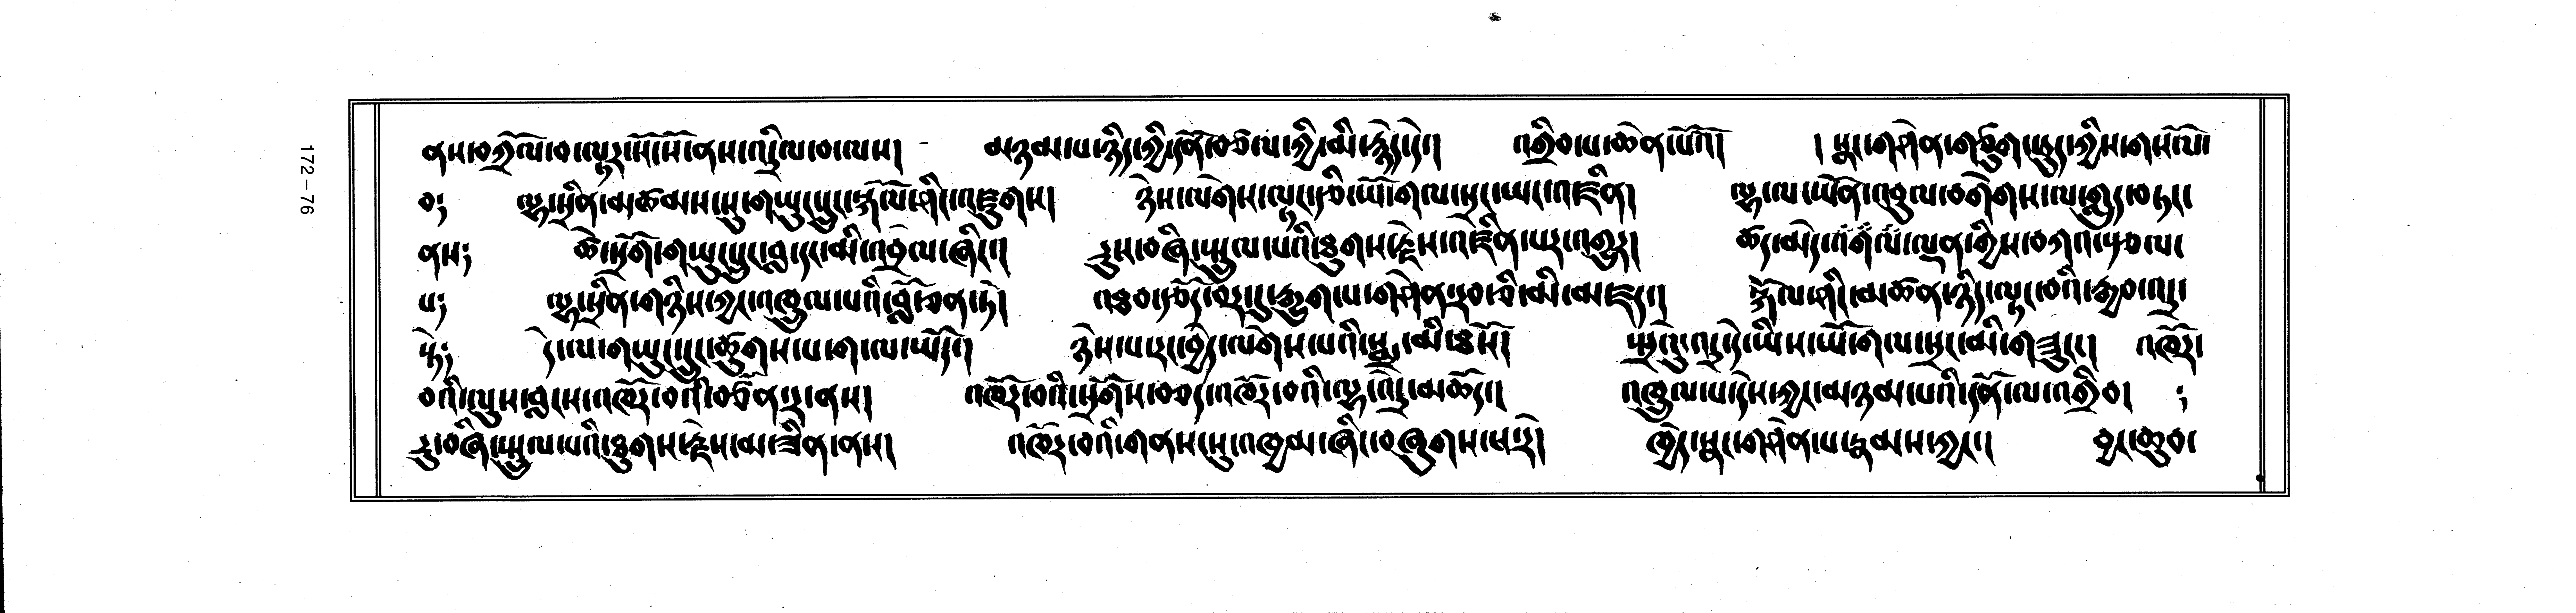ནས་བཀྲོལ་བ་ལྟར་སོ་སོ་ནས་འདྲིལ་བ་ལས། མཉམ་པ་ཉིད་ཀྱི་དོན་བཙལ་ཀྱི་མི་རྙེད་དེ། འགྲིབ་པ་ཆེན་པོའོ། སྣང་གཤེན་གཙུག་ཕུད་ཀྱིས་གསོལ་
བ། ལྷ་སྲིན་མཚམས་སུ་གཡུང་དྲུང་སྐོལ་ཤིང་འཛུགས། ཉེས་ལེགས་ལྟང་རྩི་ཡོ་གལ་སྲང་ཡང་འཛིན། ལྷ་ལ་ཡོན་འབུལ་བགེགས་ལ་གླུད་བཏང་
ནས། ཚེ་སྲོགས་གཡུང་དྲུང་བླ་དང་མི་འབྲེལ་ཞིང་། རུས་བཞི་སྤྲུལ་པའི་ཐུགས་རྗེས་འཛིན་པར་འགྱུར། ཚད་མེད་ལྡན་གྱིས་བཀའ་སྩལ་
པ། ལྷ་སྲིན་གཉིས་ཀྱང་འཁྲུལ་པའི་བློ་ཅན་ཏེ། འཐབ་རྩོད་བར་དུ་རྒྱུག་པ་གཤེན་རབ་ཅི་མི་མཛད། སྐོལ་ཤིང་མཚན་ཉིད་ལྟང་བའི་རྒྱབ་འདྲ་
སྟེ། དེ་ལ་གཡུང་དྲུང་ཚུགས་པ་ག་ལ་ཡོད། ཉེས་པ་རང་བྱེད་ལེགས་པའི་སྨྲ་མི་ཐོས། སྤྲེའུ་འདྲ་དེ་ཡིས་ཡོ་གལ་སྲང་མི་གཟུང་། འཁོར་
བའི་ལུས་བླངས་འཁོར་བའི་བཙོན་ར་ནས། འཁོར་བའི་སྲོགས་བཅད་འཁོར་བའི་ལྷ་འདྲེ་མཆོད། འཁྲུལ་པ་དེས་ཀྱང་མཉམ་པའི་དོན་ལ་འགྲིབ། 
རུ་བཞི་སྤྲུལ་པའི་ཐུགས་རྗེས་མ་ཟིན་ནས། འཁོར་བའི་གནས་སུ་འཁྱམ་ཞིང་བཞུགས་ས་རེ། ཁྱེད་སྣང་གཤེན་པ་རྣམས་ཀྱང་། བྱང་ཆུབ་